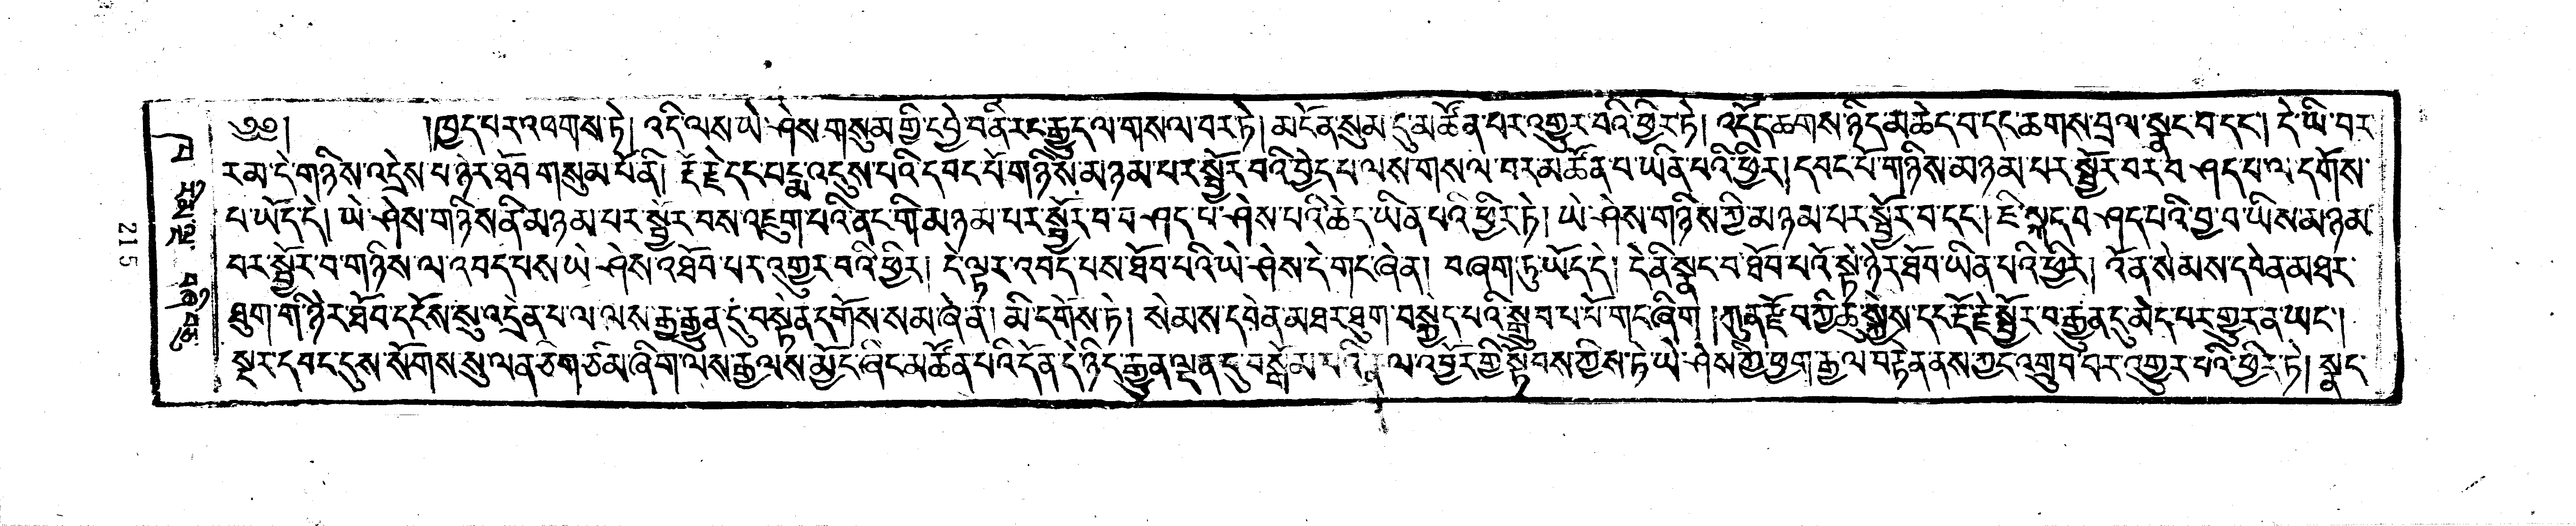༄༅། །ཁྱད་པར་འཕགས་ཏེ། འདི་ལས་ཡེ་ཤེས་གསུམ་གྱི་དབྱེ་བ་ནི་རང་རྒྱུད་ལ་གསལ་བར་ཏེ། མངོན་སུམ་དུ་མཚོན་པར་འགྱུར་བའི་ཕྱིར་ཏེ། འདོད་ཆགས་ཉིད་མཆེད་པ་དང་ཆགས་བྲལ་སྣང་བ་དང་། དེ་ཡི་བར་
རམ་དེ་གཉིས་འདྲེས་པ་ཉེར་ཐོབ་གསུམ་པོ་ནི། རྡོ་རྗེ་དང་པདམ་འདུས་པའི་དབང་པོ་གཉིས་མཉམ་པར་སྤྱོར་བའི་བྱེད་པ་ལས་གསལ་བར་མཚོན་པ་ཡིན་པའི་ཕྱིར། དབང་པོ་གཉིས་མཉམ་པར་སྦྱོར་བར་བཤད་པ་ལ་དགོས་
པ་ཡོད་དེ། ཡེ་ཤེས་གཉིས་ནི་མཉམ་པར་སྦྱོར་བས་འཇུག་པའི་ནང་གི་མཉམ་པར་སྦྱོར་བ་བཤད་པ་ཤེས་པའི་ཆེད་ཡིན་པའི་ཕྱིར་ཏེ། ཡེ་ཤེས་གཉིས་ཀྱི་མཉམ་པར་སྦྱོར་བ་དང་། ཇི་སྐད་བཤད་པའི་བྱ་བ་ཡིས་མཉམ་
པར་སྦྱོར་བ་གཉིས་ལ་འབད་པས་ཡེ་ཤེས་འཐོབ་པར་འགྱུར་བའི་ཕྱིར། དེ་ལྟར་འབད་པས་ཐོབ་པའི་ཡེ་ཤེས་དེ་གང་ཞེ་ན། བཞག་ཏུ་ཡོད་དེ། དེ་ནི་སྣང་བ་ཐོབ་པའོ་སྟེ་ཉེར་ཐོབ་ཡིན་པའི་ཕྱིར། འོ་ན་སེམས་དབེན་མཐར་
ཐུག་གི་ཉེར་ཐོབ་དངོས་སུ་འདྲེན་པ་ལ་ལས་རྒྱ་རྒྱུན་དུ་བསྟེན་དགོས་སམ་ཞེ་ན། མི་དགོས་ཏེ། སེམས་དབེན་མཐར་ཐུག་བསྐྱེད་པའི་སྒྲུབ་པ་པོ་གང་ཞིག །ཀུན་རྫོབ་ཀྱི་ཆུ་སྐྱེས་དང་རྡོ་རྗེ་སྦྱོར་བ་རྒྱུན་དུ་མེད་པར་གྱུར་ན་ཡང་།
སྔར་དབང་དུས་སོགས་སུ་ལན་ཅིག་ཙམ་ཞིག་ལས་རྒྱ་ལས་མྱོང་ཞིང་མཚོན་པའི་དོན་དེ་ཉིད་རྒྱུན་ལྡན་དུ་བསྒོམ་པའི་རྣལ་འབྱོར་གྱི་སྟོབས་ཀྱིས་ཏེ་ཡེ་ཤེས་ཀྱི་ཕྱག་རྒྱ་ལ་བརྟེན་ནས་ཀྱང་འགྲུབ་པར་འགྱུར་བའི་ཕྱིར་ཏེ། སྣང་